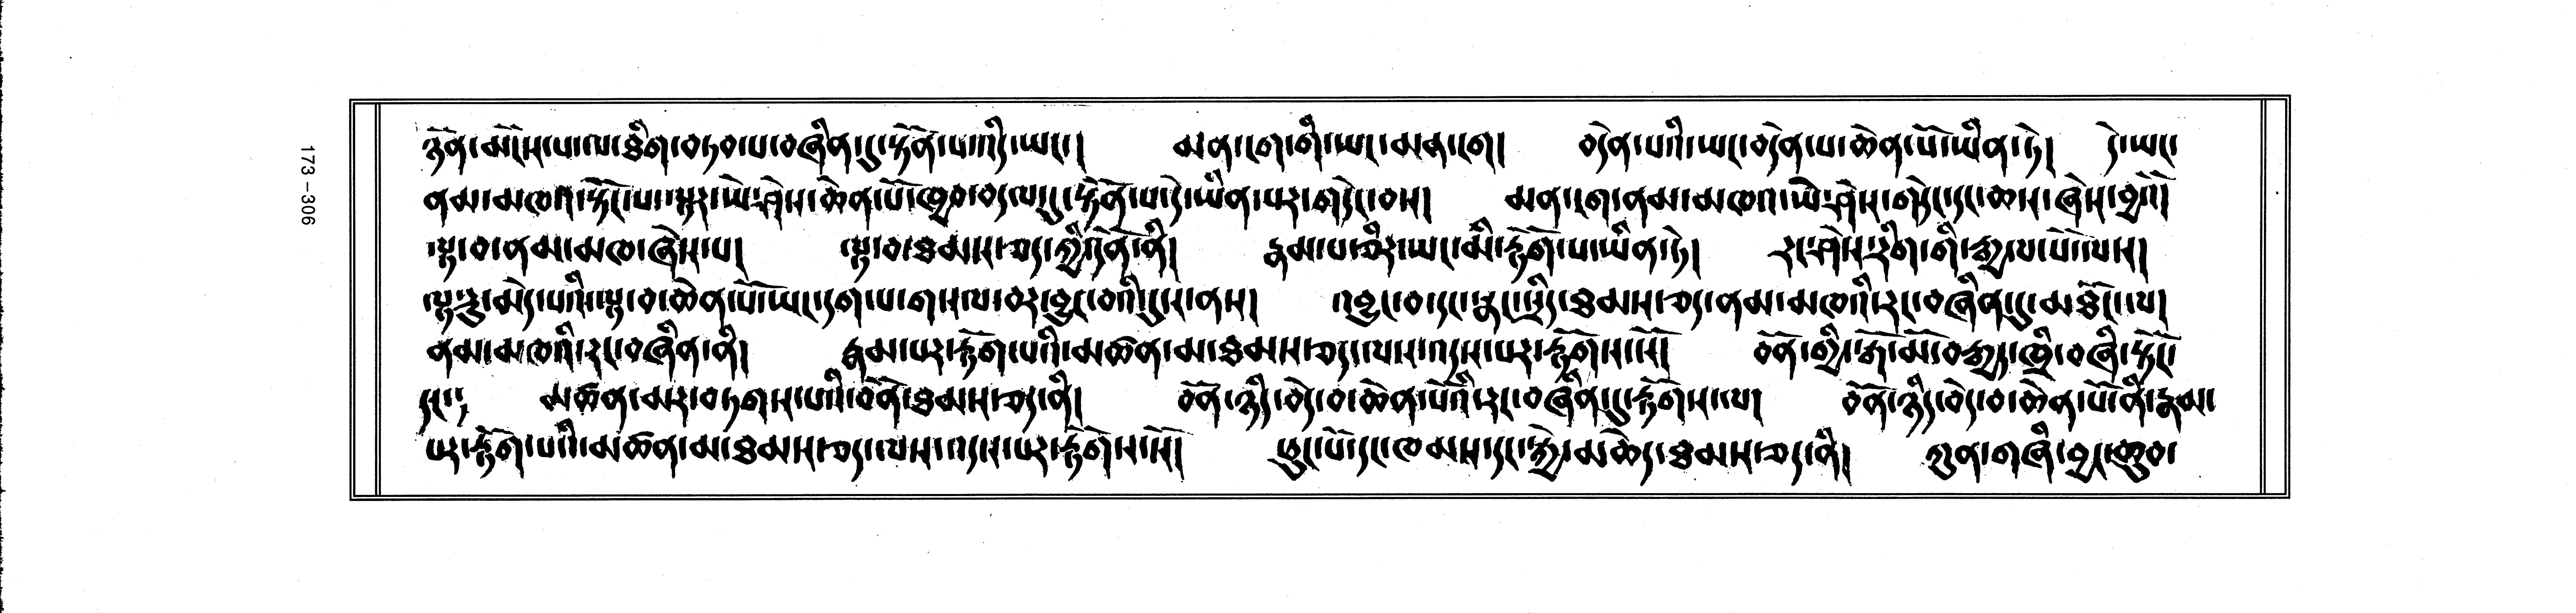ཉོན་མོངས་པ་ལ་ཐིག་བཏབ་པ་བཞིན་དུ་སྟོན་པ་འདི་ཡང་། མན་ངག་གི་ཡང་མན་ངག བདེན་པའི་ཡང་བདེན་པ་ཆེན་པོ་ཡིན་ཏེ། དེ་ཡང་
ནམ་མཁའ་སྟོང་པ་ལྟར་ཡེ་ཤེས་ཆེན་པོ་ཁྱབ་བདལ་དུ་སྟོན་པ་དེ་ཡིན་པར་གདེང་བས། མན་ངག་ནམ་མཁའ་ཡེ་ཤེས་གདེང་དང་ཆས་ཞེས་བྱའོ། །
ལྟ་བ་ནམ་མཁའ་ཞེས་པ། ལྟ་བ་ཐམས་ཅད་ཀྱི་དོན་ནི། རྣམ་པར་ཅིར་ཡང་མི་རྟོག་པ་ཡིན་ཏེ། རང་ཤེས་རིག་རྒྱལ་པོ་ལས། 
ལྟ་རུ་མེད་པའི་ལྟ་བ་ཆེན་པོ་ཡང་དག་པ་གསལ་བར་བྱུང་བའི་དུས་ན། འབྱུང་བ་དང་སྣང་སྲིད་ཐམས་ཅད་ནམ་མཁའི་རང་བཞིན་དུ་མཐོང་ལ། 
ནམ་མཁའི་རང་བཞིན་ནི། རྣམ་པར་རྟོག་པའི་མཚན་མ་ཐམས་ཅད་ལས་འདས་པར་རྟོགས་སོ། །བོན་གྱི་སྒོ་མོ་བརྒྱད་ཁྲི་བཞི་སྟོང་
དང་། མཚན་མར་བཏགས་པའི་བོན་ཐམས་ཅད་ནི། བོན་ཉིད་བདེ་བ་ཆེན་པོའི་རང་བཞིན་དུ་རྟོགས་ལ། བོན་ཉིད་བདེ་བ་ཆེན་པོ་ནི་རྣམ་
པར་རྟོག་པའི་མཚན་མ་ཐམས་ཅད་ལས་འདས་པར་རྟོགས་སོ། །ཕུང་པོ་ཁམས་དང་སྐྱེ་མཆེད་ཐམས་ཅད་ནི། ཀུན་གཞི་བྱང་ཆུབ་